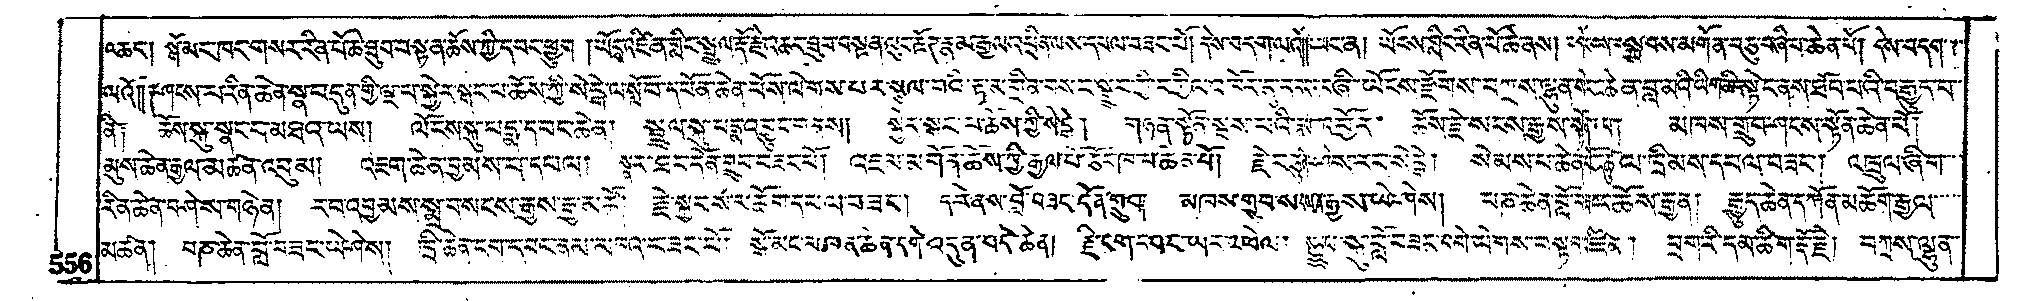འཆང་། སྒོ་མང་ཁང་གསར་རིན་པོ་ཆེ་ཐུབ་བསྟན་ཆོས་ཀྱི་དབང་ཕྱུག། ཡོངས་འཛིན་གླིང་སྤྲུལ་རྡོ་རྗེ་འཆང་ཐུབ་བསྟན་ལུང་རྟོཌ་རྣམ་རྒྱལ་འཕྲིན་ལས་དཔལ་བཟང་པོ། དེས་བདག་ལའོ། །ཡང་ན། ཡོངས་གླིང་རིན་པོ་ཆེ་ནས། གོངས་ས་སྐྱབས་མགོན་བཅུ་བཞི་པ་ཆེན་པོ། དེས་བདག་
ལའོ། །འ་ཤངས་པ་རིན་ཆེན་སྣ་བདུན་གྱི་ལྔ་པ་སྐྱེར་སྒང་པ་ཆོས་ཀྱི་སེངྒེ་ལ་སློབ་དཔོན་ཆེན་པོས་ལེགས་པར་སྩལ་བའི་རྟ་མགྲིན་གསང་སྒྲུབ་ཀྱི་དཀྱིལ་འཁོར་དུ་དབང་བཞི་ཡོངས་རྫོགས་བཀྲས་ལྷུན་སེང་ཆེན་བླ་མའི་ཡིག་ཆིང་སྟེང་ནས་ཐོབ་པའི་བརྒྱུད་པ་
ནི༑ ཆོས་སྐུ་སྣང་བ་མཐའ་ཡས། ལོངས་སྐུ་པདམ་དབང་ཆེན། སྤྲུལ་སྐུ་པདམ་འབྱུང་གནས། སྐྱེར་སྒང་པ་ཆོས་ཀྱི་སེངྒེ། གཉན་སྟོན་སྦས་པའི་རྣལ་འབྱོར། ཆོས་རྗེ་སངས་རྒྱས་སྟོན་པ། མཁས་གྲུབ་ཤངས་སྟོན་ཆེན་པོ།
མུས་ཆེན་རྒྱལ་མཚན་འབུམ། འཇག་ཆེན་བྱམས་པ་དཔལ། སྣར་ཐང་དོན་གྲུབ་བཟང་པོ། འཇམ་མགོན་ཆོས་ཀྱི་རྒྱལ་པོ་ཙོང་ཁ་པ་ཆེན་པོ། རྗེ་བཙུན་ཤེས་རབ་སེངྒེ། སེམས་པ་ཆེན་པོ་ཚུལ་ཁྲིམས་དཔལ་བཟང་། འཁྲུལ་ཞིག་
རིན་ཆེན་བཤེས་གཉེན། རབ་འབྱམས་སྨྲ་བ་སངས་རྒྱས་རྒྱ་མཚོ། རྗེ་སྐྱབས་མཆོག་དཔལ་བཟང་། དབེ་ནས་བློ་བཟང་དོན་གྲུབ། མཁས་གྲུབ་སངས་རྒྱས་ཡེ་ཤེས། པཎ་ཆེན་བློ་བཟང་ཆོས་རྒྱུན། རྒྱུད་ཆེན་དཀོན་མཆོག་རྒྱལ་
མཚན། པཎ་ཆེན་བློ་བཟང་ཡེ་ཤེས། ཁྲི་ཆེན་ངག་དབང་ནམ་མཁའ་བཟང་པོ། སྒོ་མང་མཁན་ཆེན་དགེ་འདུན་བདེ་ཆེན། རྗི་ངག་དབང་ཡར་འཕེལ། སྤྲུལ་སྐུ་བློ་བཟང་དགེ་ལེགས་བསྟན་འཛིན། བྲག་རི་དམ་ཚིག་རྡོ་རྗེ། བཀྲས་ལྷུན་